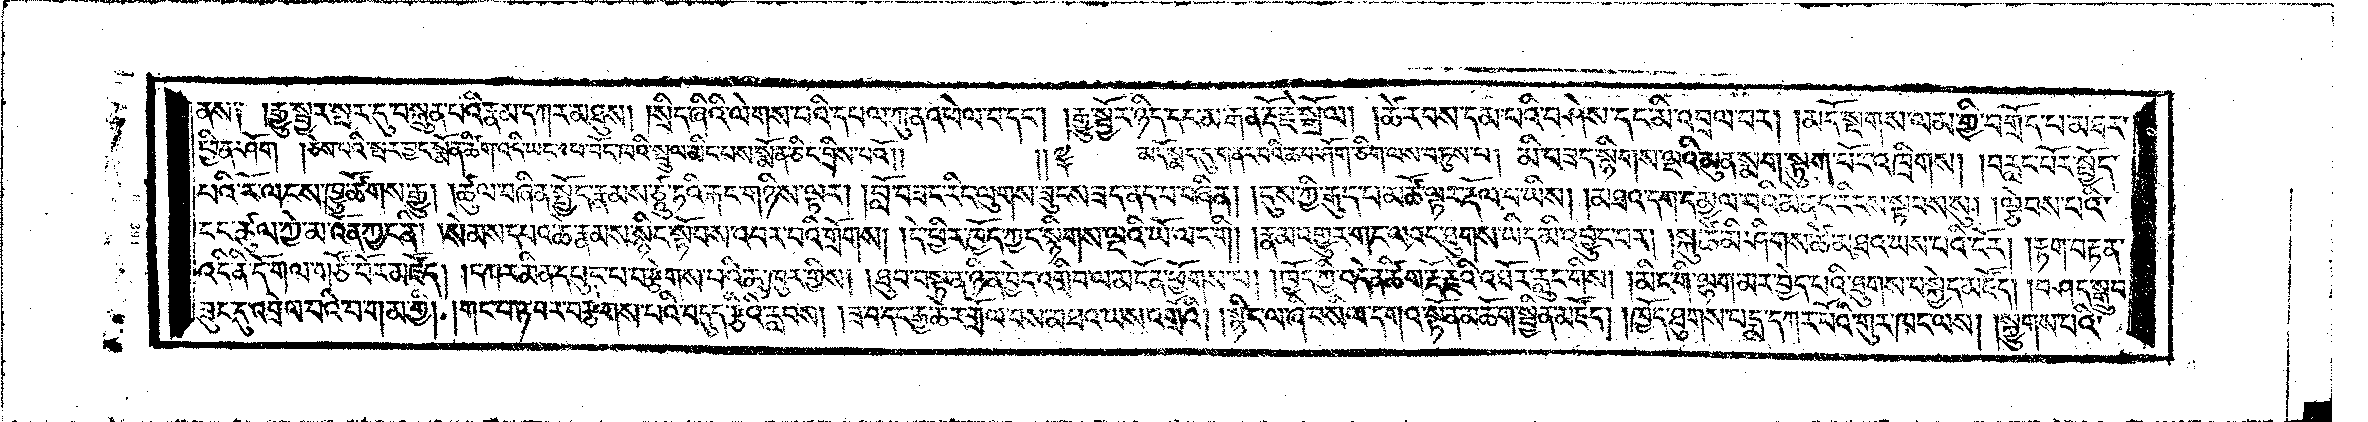ནས༑ །རྒྱུ་སྦྱར་སྤར་དུ་བསྐྲུན་པའི་རྣམ་དཀར་མཐུས། །སྲིད་ཞིའི་ལེགས་པའི་དཔལ་ཀུན་འཕེལ་བ་དང་། །རྒྱུ་སྦྱོར་ཉིད་དང་མ་རྒན་རྡོ་རྗེ་སྒྲོལ། །ཚེ་རབས་དམ་པའི་བཤེས་དང་མི་འབྲལ་བར། །མདོ་སྔགས་ལམ་གྱི་བགྲོད་པ་མཐར་
ཕྱིན་ཤོག་།ཅེས་པའི་སྤར་བྱང་སྨོན་ཚིག་འདི་ཡང ༧ཕ་བོང་ཁའི་སྤྲུལ་ཆིང་པས་སྨོན་ཅིང་བྲིས་པའོ།། །། ༈ མདོ་སྨད་དུ་གནང་བའི་ཆབ་ཤོག་ཅིག་པས་བཏུས་པ།  མི་བཟད་སྙིགས་ལྔའི་མུན་སྨག་སྟུག་པོར་འཁྲིགས། །བརླང་བོར་སྤྱོད་
པའི་རོ་ལངས་ཁྱུ་ཚོགས་རྒྱུ། །ཚུལ་བཞིན་སྤྱོད་རྣམས་ཙཱུ་ཏའི་རྐང་གཉིས་ལྟར། །བློ་བཟང་རིང་ལུགས་ཟུངས་ཟད་ནད་པ་བཞིན། །དུས་ཀྱི་རྒུད་པ་མཚོ་ལྟར་རྡོལ་པ་ཡིས། །མཐའ་དག་དམྱལ་བའི་མེ་ནང་རིངས་སྟབས་སུ། །ལྕེབས་པའི་
ངང་ཚུལ་ཀྱེ་མ་འོན་ཀྱང་ནི། །སེམས་དཔའ་ཆེ་རྣམས་སྙིང་སྟོབས་འབར་བའི་གྲོགས། །དེ་ཕྱིར་ཁྱོད་ཀྱང་སྙིགས་ལྔའི་ཡོ་ལང་གི། །རྣམ་འགྱུར་གང་ལའང་ཐུགས་ཡིད་མི་འབྱུང་བར། །སྐུ་ཚེ་མི་ཤིགས་ཚེ་མཐའ་ཡས་པའི་ངོར། །རྟག་བརྟན་
འདི་ནི་དོ་གལ་གཙོ་བོར་མཛོད། །དཀར་མིན་དཔུང་པ་བརྩེགས་པའི་ཆུ་ཁུར་གྱིས། །ཐུབ་བསྟན་ཉིན་བྱེད་འགྲིབ་ལ་མངོན་ཕྱོགས་པ། །ཁྱོད་ཀྱི་བདེན་ཚིག་རྡོ་རྗེའི་འཐོར་རླུང་གིས། །མིང་གི་ལྷག་མར་བྱེད་པའི་ཐུགས་བསྐྱེད་མཛོད། །བཤད་སྒྲུབ་
ཟུང་དུ་འབྲེལ་བའི་བ་གམ་གྱི། །གང་བ་ཉ་བར་བརྩེགས་པའི་བདུད་རྩིའི་རླབས། །ཟབ་དང་རྒྱ་ཆེར་གྲོལ་བས་མཐའ་ཡས་འགྲོའི། །སྙིང་ལ་ཞི་བསིལ་དགའ་སྟོན་མཆོག་སྦྱིན་མཛོད། །ཁྱོད་ཐུགས་པདམ་དཀར་པོའི་གུར་ཁང་ལས། །སྐྱུགས་པའི་